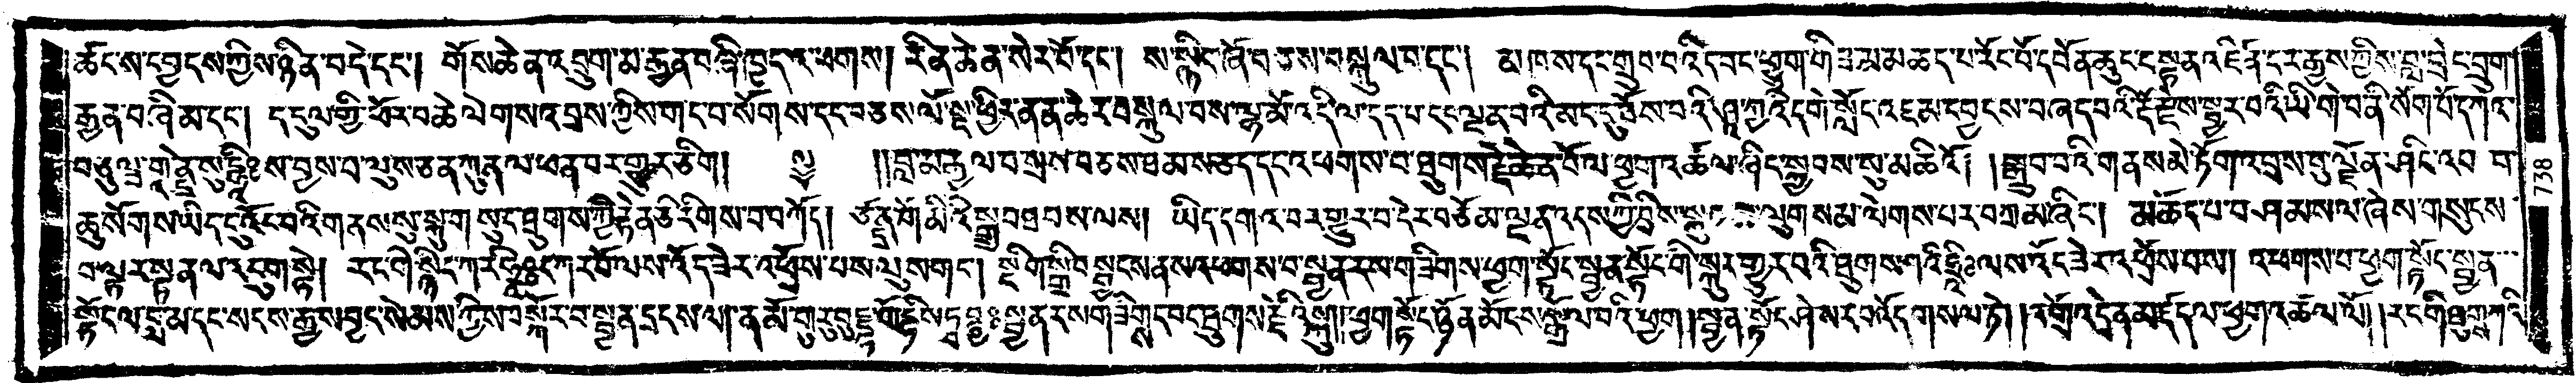ཚང་ས་དབྱངས་ཀྱིས་ཉིན་བདེ་དང་། གོས་ཆེན་འབྲུག་མ་རྒྱན་བཞི་ཁྱད་འཕགས། རིན་ཆེན་སེར་བོ་དང་། ས་སྙིང་ཞོ་བཅས་བསྐུལ་བ་དང་། མཁས་དང་གྲུབ་བའི་དབང་ཕྱུག་གི་ཟམ་མཆད་པ་རོང་བོར་བོན་ཆུང་བསྟན་འཛིན་དར་རྒྱས་ཀྱིས་བླ་བྲེང་བྲུག་
རྒྱན་བཞི་མ་དང་། དངུལ་གྱི་ཕོར་བྖེ་ལེགས་འབྲས་ཀྱིས་གང་བ་སོགས་དང་བཅས་ལོ་སྔ་ཕྱིར་ནན་ཆེར་བསྐུལ་བས་ལྷ་མོ་འདི་ལ་དད་པ་ལྡན་བའི་མང་དུ་ཐོས་པའི་ཤཱཀྱའི་དགེ་སློང་འཇམ་དབྱངས་བཞད་པའི་རྡོ་རྗེ་སྦྱར་བའི་ཡི་གེ་བ་ནི་སོག་པོ་དཀའ་
བཅུ་ཝ་གE་ནྡྲ་སུ་དྷཱིཿ ས་བྱས་པ་ལུས་ཅན་ཀུན་ལ་ཕན་བར་གྱུར་ཅིག། ༈ །།བླ་མ་རྒྱལ་བ་སྲས་བཅས་ཐམས་ཅད་དང་འཕགས་བ་ཐུགས་རྗེ་ཆེན་བོ་ལ་ཕྱག་འཚལ་ཞིང་སྐྱབས་སུ་མཆིའོ། །སྒྲུབ་བའི་གནས་མེ་ཏོག་འབྲས་བུ་ལྗོན་ཤིང་འབབ་
ཆུ་སོགས་ཡིད་དུའོང་བའི་གནས་སུ་སྐུ་གསུང་ཐུགས་ཀྱི་རྟེན་ཅི་རིགས་བ་བཀོད། ཙནྡྲ་གོ་མིའི་སྒྲུབ་ཐབས་ལས། ཡིད་དགའ་བར་གྱུར་བ་དེར་བཅོམ་ལྡན་འདས་ཀྱི་བྲིས་སྐུའམ་ལུགས་མ་ལེགས་པར་བཀྲམ་ཞིང་། མཆོད་པ་བཤམ་སལ་ཞེས་གསུངས་
བ་ལྟར་སྟན་ལ་འདུག་སྟེ། རང་གི་སྙིང་ཀར་ཧྲའིཿ དཀར་པོ་ལས་འོད་ཟེར་འཕྲོས་པས་ལུས་གང་། སྡིག་སྒྲིབ་སྦྱངས་ནས་འཕགས་བ་སྦྱན་རས་གཟིགས་ཕྱག་སྟོང་སྦྱན་སྟོང་གི་སྐུར་གྱུར་བའི་ཐུགས་ཀའི་ཧྲའིཿ ལས་འོད་ཟེར་འཕྲོས་བས། འཕགས་པ་ཕྱག་སྟོང་སྦྱན་
སྟོང་ལ་བླ་མ་དང་སངས་རྒྱས་བྱང་སེམས་ཀྱིས་བསྐོར་བ་སྦྱན་དྲངས་ལ། ན་མོ་གུ་རུ་བུདྡྷ་ཏི་ཏིསཏྭ་བྷྱཿ སྦྱན་རས་གཟིགས་དབང་ཐུགས་རྗེའི་སྐུ། །ཕྱག་སྟོང་ཉོན་མོངས་སྒྲོལ་བའི་ཕྱག། སྦྱན་སྟོང་ཤེས་རབ་བའོ་གསལ་ཏེ། །འགྲོ་འདྲེན་མཛད་ལ་ཕྱག་འཚལ་ལོ་?་?་གི་ཐུགས་ཀའི་